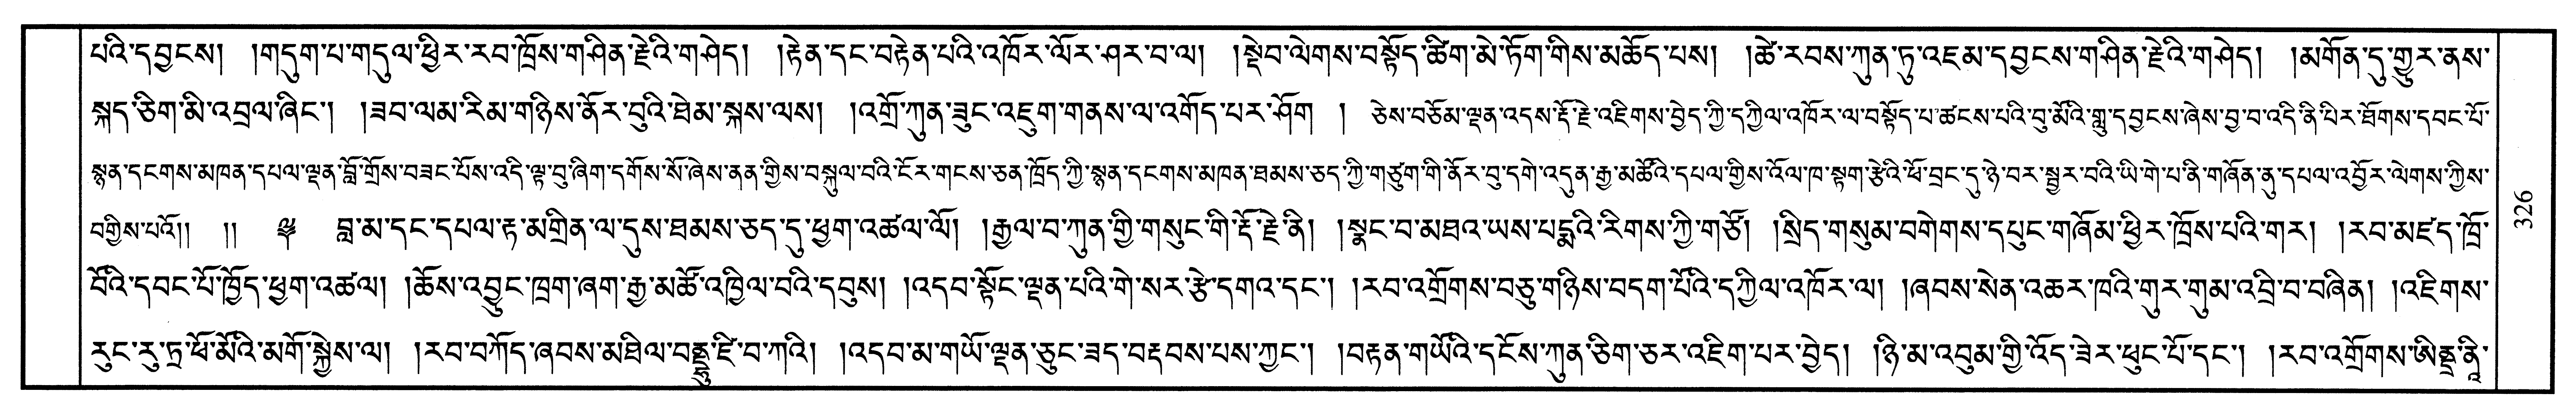པའི་དབྱངས། །གདུག་པ་གདུལ་ཕྱིར་རབ་ཁྲོས་གཤིན་རྗེའི་གཤེད། །རྟེན་དང་བརྟེན་པའི་འཁོར་ལོར་ཤར་བ་ལ། །སྡེབ་ལེགས་བསྟོད་ཚིག་མེ་ཏོག་གིས་མཆོད་པས། །ཚེ་རབས་ཀུན་ཏུ་འཇམ་དབྱངས་གཤིན་རྗེའི་གཤེད། །མགོན་དུ་གྱུར་ནས་
སྐད་ཅིག་མི་འབྲལ་ཞིང་། །ཟབ་ལམ་རིམ་གཉིས་ནོར་བུའི་ཐེམ་སྐས་ལས། །འགྲོ་ཀུན་ཟུང་འཇུག་གནས་ལ་འགོད་པར་ཤོག །ཅེས་བཅོམ་ལྡན་འདས་རྡོ་རྗེ་འཇིགས་བྱེད་ཀྱི་དཀྱིལ་འཁོར་ལ་བསྟོད་པ་ཚངས་པའི་བུ་མོའི་གླུ་དབྱངས་ཞེས་བྱ་བ་འདི་ནི་པིར་ཐོགས་དབང་པོ་
སྙན་དངགས་མཁན་དཔལ་ལྡན་བློ་གྲོས་བཟང་པོས་འདི་ལྟ་བུ་ཞིག་དགོས་སོ་ཞེས་ནན་གྱིས་བསྐུལ་བའི་ངོར་གངས་ཅན་ཁྲོད་ཀྱི་སྙན་དངགས་མཁན་ཐམས་ཅད་ཀྱི་གཙུག་གི་ནོར་བུ་དགེ་འདུན་རྒྱ་མཚོའི་དཔལ་གྱིས་འོལ་ཁ་སྟག་རྩེའི་ཕོ་བྲང་དུ་ཉེ་བར་སྦྱར་བའི་ཡི་གེ་པ་ནི་གཞོན་ནུ་དཔལ་འབྱོར་ལེགས་ཀྱིས་
བགྱིས་པའོ།། །། ༈ བླ་མ་དང་དཔལ་རྟ་མགྲིན་ལ་དུས་ཐམས་ཅད་དུ་ཕྱག་འཚལ་ལོ། །རྒྱལ་བ་ཀུན་གྱི་གསུང་གི་རྡོ་རྗེ་ནི། །སྣང་བ་མཐའ་ཡས་པདམའི་རིགས་ཀྱི་གཙོ། །སྲིད་གསུམ་བགེགས་དཔུང་གཞོམ་ཕྱིར་ཁྲོས་པའི་གར། །རབ་མཛད་ཁྲོ་
བོའི་དབང་པོ་ཁྱོད་ཕྱག་འཚལ། །ཆོས་འབྱུང་ཁྲག་ཞག་རྒྱ་མཚོ་འཁྱིལ་བའི་དབུས། །འདབ་སྟོང་ལྡན་པའི་གེ་སར་རྩེ་དགའ་དང་། །རབ་འགྲོགས་བཅུ་གཉིས་བདག་པོའི་དཀྱིལ་འཁོར་ལ། །ཞབས་སེན་འཆར་ཁའི་གུར་གུམ་འབྲི་བ་བཞིན། །འཇིགས་
རུང་རུ་ཏྲ་ཕོ་མོའི་མགོ་སྐྱེས་ལ། །རབ་བཀོད་ཞབས་མཐིལ་བནྡྷུ་ཛི་བ་ཀའི། །འདབ་མ་གཡོ་ལྡན་ཅུང་ཟད་བརྡབས་པས་ཀྱང་། །བརྟན་གཡོའི་དངོས་ཀུན་ཅིག་ཅར་འཇིག་པར་བྱེད། །ཉི་མ་འབུམ་གྱི་འོད་ཟེར་ཕུང་པོ་དང་། །རབ་འགྲོགས་ཨིནྡྲ་ནཱི་